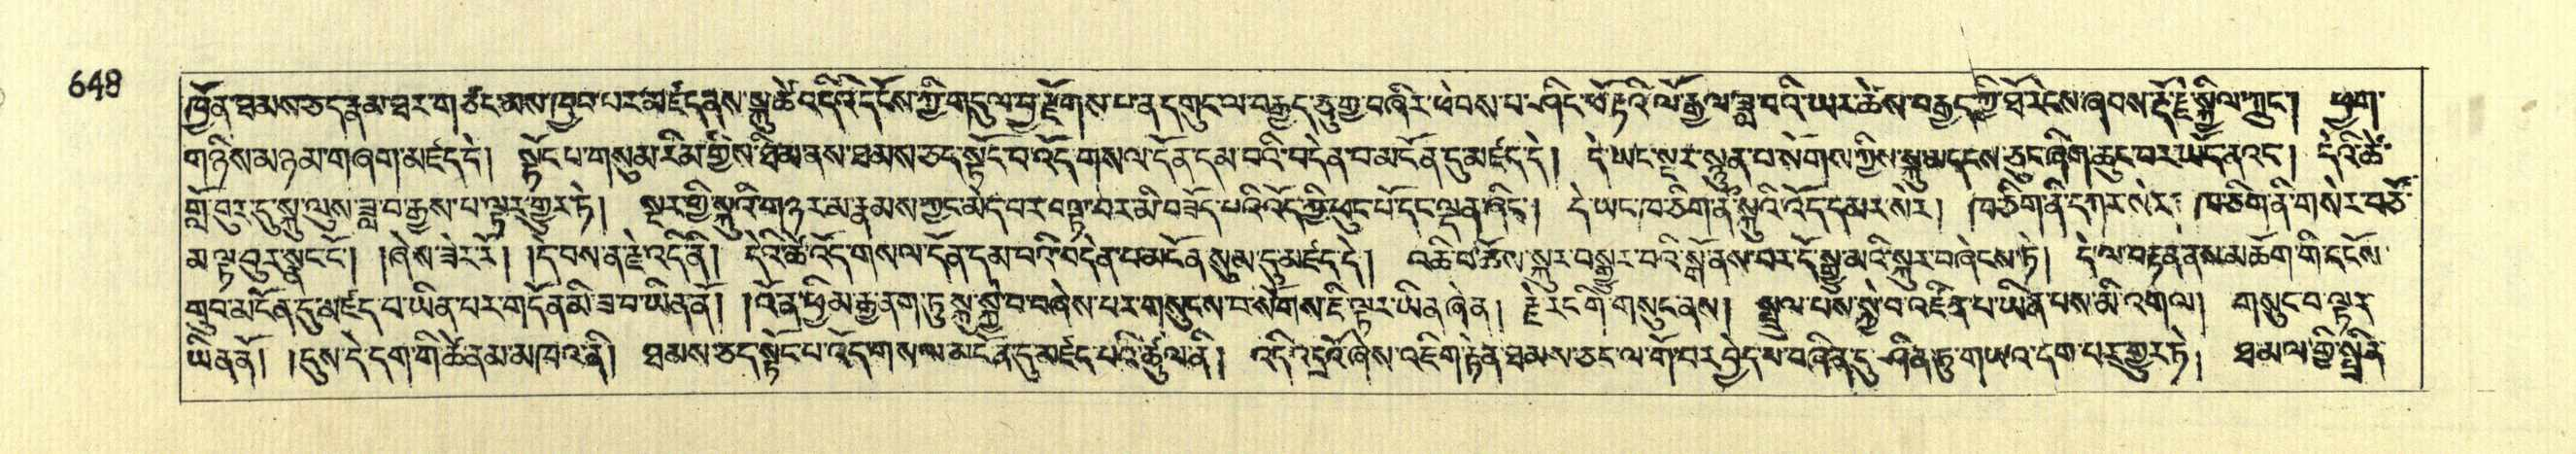ཁྱོན་ཐམས་ཅད་རྣམ་ཐར་གཙང་མས་ཁྱབ་པར་མཛད་ནས་སྐུ་ཚེ་འདིའི་དངོས་ཀྱི་གདུལ་བྱ་རྫོགས་པ་ན་དགུང་ལ་བརྒྱད་ཅུ་གྱ་བཞིར་ཕེབས་པ་ཤིང་ཕོ་རྟའི་ལོ་རྒྱལ་ཟླ་བའི་ཡར་ཚེས་བརྒྱད་ཀྱི་ཐོ་རེངས་ཞབས་རྡོ་རྗེ་སྐྱིལ་ཀྲུང་། ཕྱག་
གཉིས་མཉམ་གཞག་མཛད་དེ། སྟོང་པ་གསུམ་རིམ་གྱིས་ཐིམ་ནས་ཐམས་ཅད་སྟོང་བ་འོད་གསལ་དོན་དམ་བའི་བདེན་བ་མངོན་དུ་མཛད་དེ། དེ་ཡང་སྔར་སྙུན་པ་སོགས་ཀྱིས་སྐུ་མདངས་ཅུང་ཞིག་ཆུང་བར་ཡོད་ནའང་། དེའི་ཚེ་
གློ་བུར་དུ་སྐུ་ལུས་ཟླ་བ་རྒྱས་པ་ལྟར་གྱུར་ཏེ། སྔར་གྱི་སྐུའི་གཉར་མ་རྣམས་ཀྱང་མེད་པར་བལྟ་བར་མི་བཟོད་པའི་འོད་ཀྱི་ཕུང་པོ་དང་ལྡན་ཞིང་། དེ་ཡང་ཁ་ཅིག་ནྀ་སྐུའི་འོད་དམར་སེར། ཁ་ཅིག་ནི་དཀར་སེར། ཁ་ཅིག་ནི་གསེར་བཙོ་
མ་ལྟ་བུར་སྣང་ངོ། །ཞེས་ཟེར་རོ། །དེ་བས་ན་རྗེ་འདི་ནི། དེའི་ཚེ་འོད་གསལ་དོན་དམ་པའི་བདེན་པ་མངོན་སུམ་དུ་མཛད་དེ། འཆི་བ་ཆོས་སྐུར་བསྒྱུར་བའི་སྒོ་ནས་བར་དོ་སྒྱུ་མའི་སྐུར་བཞེངས་ཏེ། དེ་ལ་བརྟན་ནས་མཆོག་གི་དངོས་
གྲུབ་མངོན་དུ་མཛད་པ་ཡིན་པར་གདོན་མི་ཟ་བ་ཡིན་ནོ། །འོ་ན་ཕྱི་མ་རྒྱ་ནག་ཏུ་སྐུ་སྐྱེ་བ་བཞེས་པར་གསུངས་པ་སོགས་ཇི་ལྟར་ཡིན་ཞེ་ན། རྗེ་རང་གི་གསུང་ནས། སྤྲུལ་པས་སྐྱེ་བ་འཛིན་པ་ཡིན་པས་མི་འགལ། གསུང་བ་ལྟར་
ཡིན་ནོ། །དུས་དེ་དག་གི་ཚེ་ནམ་མཁའ་ནི། ཐམས་ཅད་སྟོང་པ་འོད་གསལ་མངོན་དུ་མཛད་པའི་ཚུལ་ནི། འདི་འདྲའོ་ཞེས་འཇིག་རྟེན་ཐམས་ཅད་ལ་གོ་བར་བྱེད་པ་བཞིན་དུ་ཤིན་ཏུ་གཡའ་དག་པར་གྱུར་ཏེ། ཐ་མལ་གྱི་སྤྲིན་